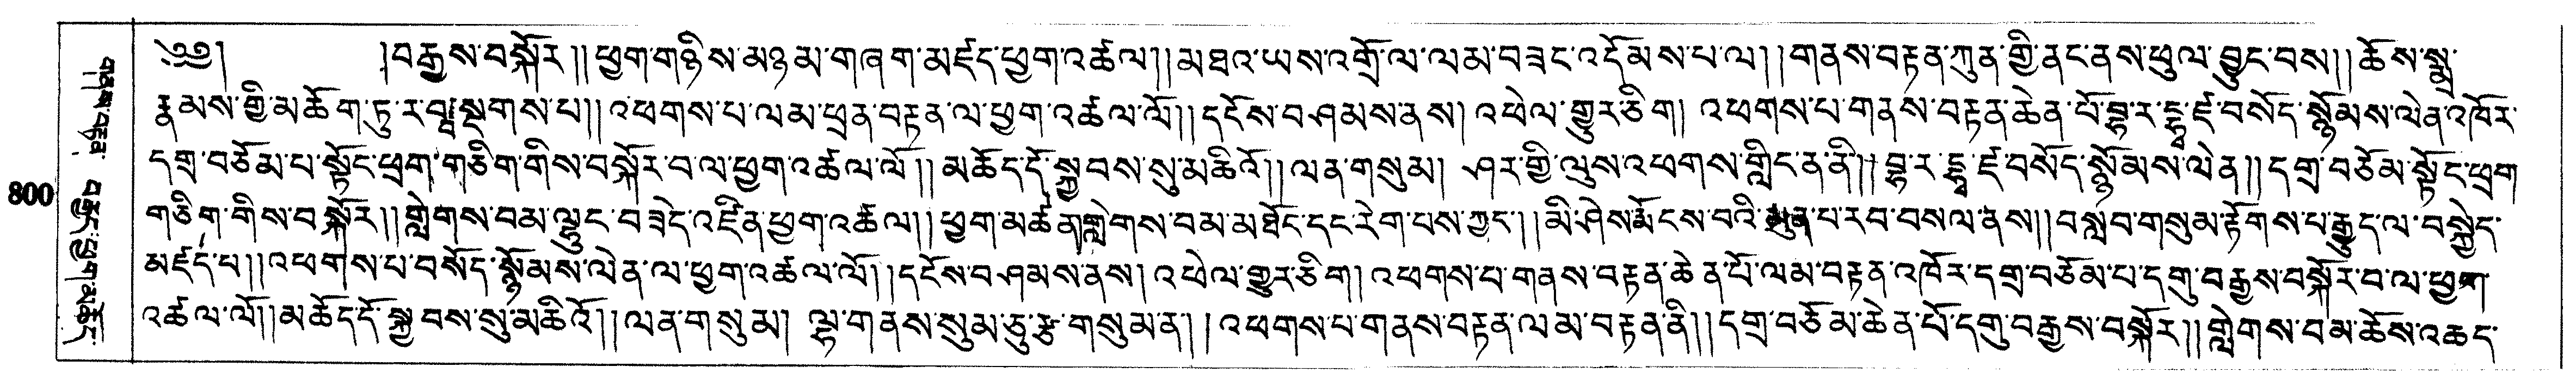༄༅། །བརྒྱས་བསྐོར། །ཕྱག་གཉིས་མཉམ་གཞག་མཛད་ཕྱག་འཚལ། །མཐའ་ཡས་འགྲོ་ལ་ལམ་བཟང་འདོམས་པ་ལ། །གནས་བརྟན་ཀུན་གྱི་ནང་ནས་ཕུལ་བྱུང་བས། །ཆོས་སྨྲ་
རྣམས་གྱི་མཆོག་ཏུ་ར་བབ་སྔགས་པ། །འཕགས་པ་ལམ་ཕྲན་བརྟན་ལ་ཕྱག་འཚལ་ལོ། །དངོས་བཤམས་ནས། འཕེལ་གྱུར་ཅིག །འཕགས་པ་གནས་བརྟན་ཆེན་པོ་བྷ་ར་དྷྭ་ཛ་བསོད་སྙོམས་ལེན་འཁོར་
དགྲ་བཅོམ་པ་སྟོང་ཕྲག་གཅིག་གིས་བསྐོར་བ་ལ་ཕྱག་འཚལ་ལོ། །མཆོད་དོ་སྐྱབས་སུ་མཆིའོ། །ལན་གསུམ། ཤར་གྱི་ལུས་འཕགས་གླིང་ན་ནི། །བྷ་ར་དྷྭ་ཛ་བསོད་སྙོམས་ལེན། །དགྲ་བཅོམ་སྟོང་ཕྲག་
གཅིག་གིས་བསྐོར། །གླེགས་བམ་ལྷུང་བཟེད་འཛིན་ཕྱག་འཚལ། །ཕྱག་མཚན་གླེགས་བམ་མཐོང་དང་རེག་པས་ཀྱང་། །མི་ཤེས་རྨོངས་བའི་མུན་པ་རབ་བསལ་ནས། །བསླབ་གསུམ་རྟོགས་པ་རྒྱུད་ལ་བསྐྱེད་
མཛད་པ། །འཕགས་པ་བསོད་སྙོམས་ལེན་ལ་ཕྱག་འཚལ་ལོ། །དངོས་བཤམས་ནས། འཕེལ་གྱུར་ཅིག །འཕགས་པ་གནས་བརྟན་ཆེན་པོ་ལམ་བརྟན་འཁོར་དགྲ་བཅོམ་པ་དགུ་བརྒྱས་བསྐོར་བ་ལ་ཕྱག་
འཚལ་ལོ། །མཆོད་དོ་སྐྱབས་སུ་མཆིའོ། །ལན་གསུམ། ལྷ་གནས་སུམ་ཅུ་རྩ་གསུམ་ན། །འཕགས་པ་གནས་བརྟན་ལམ་བརྟན་ནི། །དགྲ་བཅོམ་ཆེན་པོ་དགུ་བརྒྱས་བསྐོར། །གླེགས་བམ་ཆོས་འཆད་